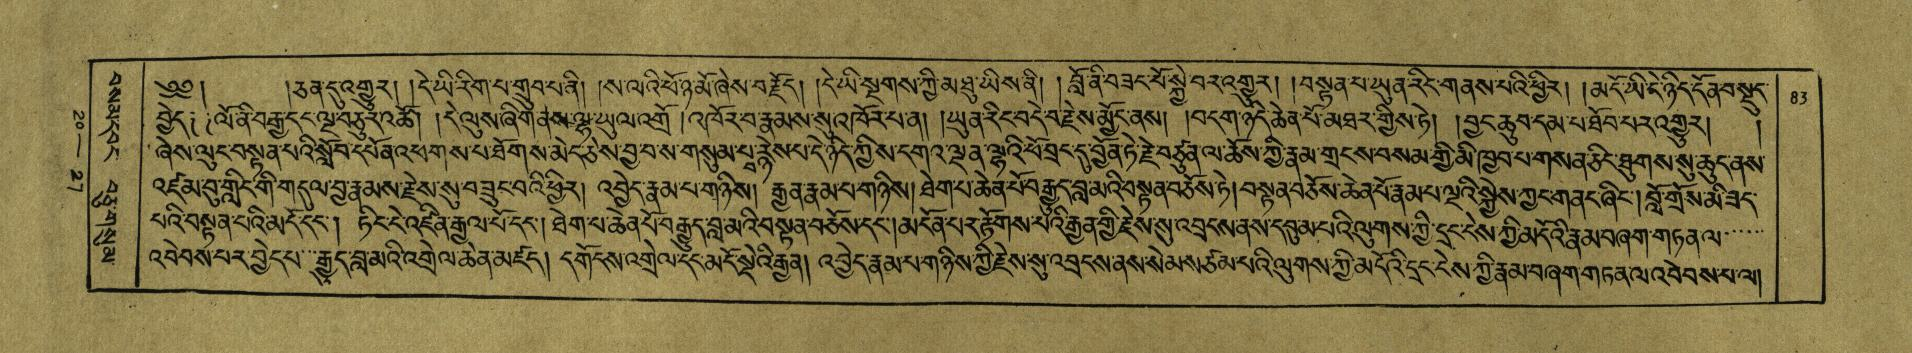༄༅། །ཅན་དུ་འགྱུར། །དེ་ཡི་རིག་པ་གྲུབ་པ་ནི། །ས་ལའི་ཕོ་ཉ་མོ་ཞེས་བརྗོད། །དེ་ཡི་སྔགས་ཀྱི་མཐུ་ཡིས་ནི། །བློ་ནི་བཟང་པོ་སྐྱེ་བར་འགྱུར། །བསྟན་པ་ཡུན་རིང་གནས་པའི་ཕྱིར། །མདོ་ཡི་དེ་ཉིད་དོན་བསྡུད་
བྱེད༑ ༑ལོ་ནི་བརྒྱ་དང་ལྔ་བཅུར་འཚོ། །དེ་ལུས་ཞིག་ནས་ལྷ་ཡུལ་འགྲོ་།འཁོར་བ་རྣམས་སུ་འཁོར་པ་ན། །ཡུན་རིང་བདེ་བ་རྗེས་མྱོང་ནས། །བདག་ཉིད་ཆེན་པོ་མཐར་གྱིས་ཏེ། །བྱང་ཆུབ་དམ་པ་ཐོབ་པར་འགྱུར། །
ཞེས་ལུང་བསྟན་པའི་སློབ་དཔོན་འཕགས་པ་ཐོགས་མེད་ཅེས་བྱ་བ་ས་གསུམ་པ་བརྙེས་པ་དེ་ཉིད་ཀྱིས་དགའ་ལྡན་ལྷའི་ཕོ་བྲང་དུ་བྱོན་ཏེ་རྗེ་བཙུན་ལ་ཆོས་ཀྱི་རྣམ་གྲངས་བསམ་གྱི་མི་ཁྱབ་པ་གསན་ཅིང་ཐུགས་སུ་ཆུད་ནས་
འཛམ་བུ་གླིང་གི་གདུལ་བྱ་རྣམས་རྗེས་སུ་བཟུང་བའི་ཕྱིར། འབྱེད་རྣམ་པ་གཉིས། རྒྱན་རྣམ་པ་གཉིས། ཐེག་པ་ཆེན་པོ་བརྒྱུད་བླ་མའི་བསྟན་བཅོས་ཏེ། བསྟན་བཅོས་ཆེན་པོ་རྣམ་པ་ལྔའི་སྐྱེས་ཀྱང་གནང་ཞིང་། བློ་གྲོས་མི་ཟད་
པའི་བསྟན་པའི་མདོ་དང་། ཏིང་ངེ་འཛིན་རྒྱལ་པོ་དང་། ཐེག་པ་ཆེན་པོ་བརྒྱུད་བླ་མའི་བསྟན་བཅོས་དང་། མངོན་པར་རྟོགས་པའི་རྒྱན་གྱི་རྗེས་སུ་འབྲངས་ནས་དབུ་མ་པའི་ལུགས་ཀྱི་དྲང་ངེས་ཀྱི་མདོའི་རྣམ་བཞག་གཏན་ལ་
འབེབས་པར་བྱེད་པ་རྒྱུད་བླ་མའི་འགྲེལ་ཆེན་མཛད། དགོངས་འགྲེལ་དང་མདོ་སྡེའི་རྒྱན། འབྱེད་རྣམ་པ་གཉིས་ཀྱི་རྗེས་སུ་འབྲངས་ནས་སེམས་ཙམ་པའི་ལུགས་ཀྱི་མདོའི་དྲང་ངེས་ཀྱི་རྣམ་བཞག་གཏན་ལ་འབེབས་པ་ལ།